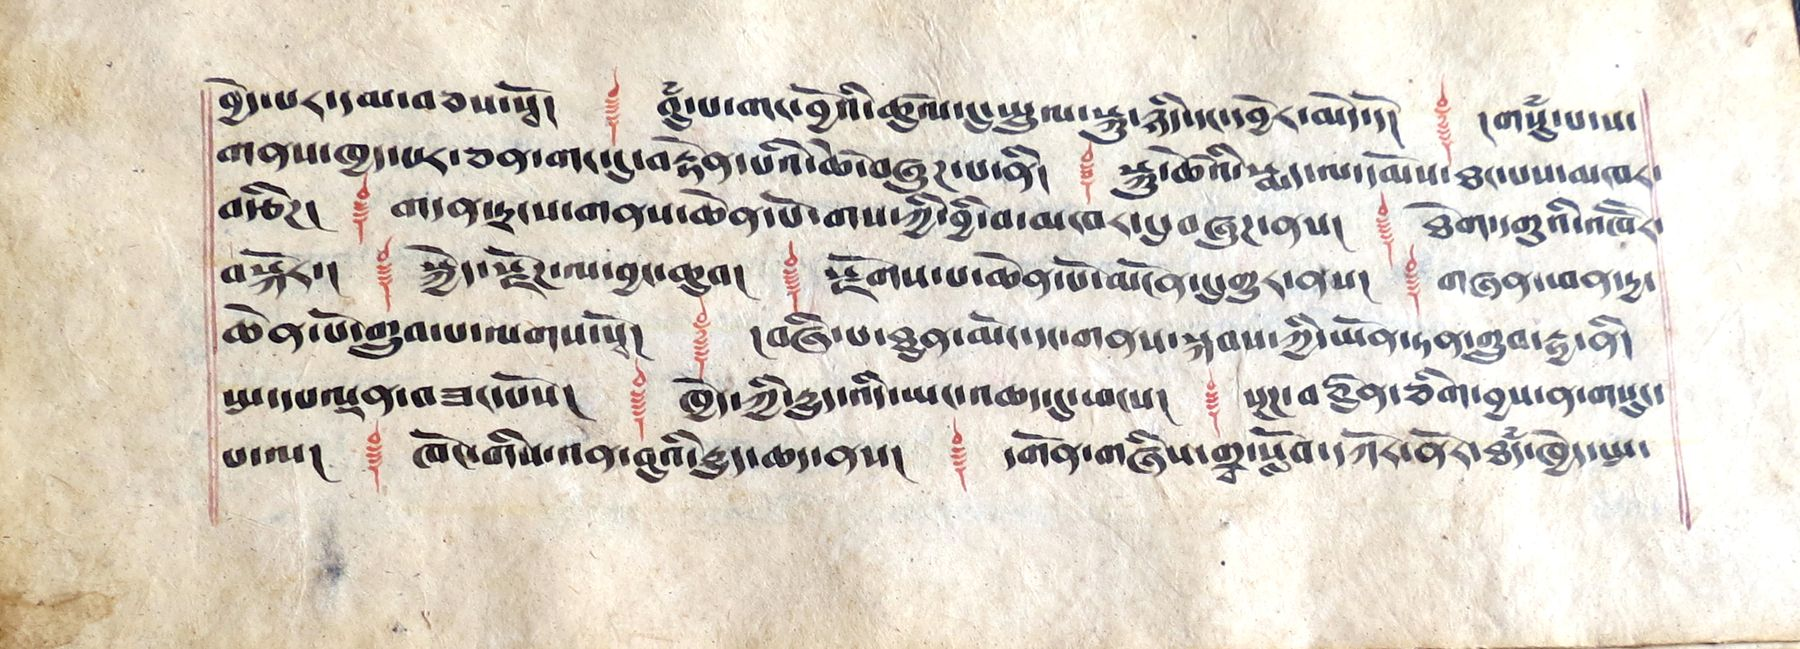བྱེད་པར་དམ་བཅས་སོ། ། བུམ་པ་གང་བྱོའི་ཚུལ་དུ་སྤྲུལ་སྐུ་ཉིད་དང་དབྱེར་མེད་དོ། ། གསུམ་པ་ས་
གནས་ཁྱད་པར་ཅན་གང་དུ་བརྟེན་པའི་ཚེ་དུ་བཞུགས་པ་ནི། སྐུ་ཚེ་སྨད་ལ་དམོས་ཐང་པས་མཁར་
བརྩིགས། གདན་དྲངས་གནས་ཆེན་པོ་གད་ཀྱི་བྱི་བ་མཁར་དུ་བཞུགས་ནས། ཐེག་དགུའི་འཁོར་ལོ་
བསྐོར། བསྐྱེད་རྫོགས་ལ་བྱང་ཆུབ། རྫོགས་པ་ཆེན་པོ་མངོན་དུ་གྱུར་ནས། གཞན་ཕན་རྒྱ་
ཆེན་པོར་གྲུབ་པ་ལགས་སོ། ། བཞི་པ་ཐུན་མོང་དང་གནས་སྐབས་ཀྱི་ཡོན་ཏན་གྲུབ་རྟགས་ནི། 
སྤ་དཔལ་ལྡན་བཟང་པོས་ཁྱེད་ཀྱི་རྒྱུད་འདི་ཡང་ཆད་པ་འཕང་། སྔགས་བཙུན་ཞིག་བྱས་ན་གསུངས་
པས། ཁོང་གིས་འན་བུ་རྒྱུད་ཆད་ན། དགོན་གཞིས་གྲྭ་སློབ་དཀོར་ནོར་ཐམས་ཅད་ཁྱེད་སྤ་